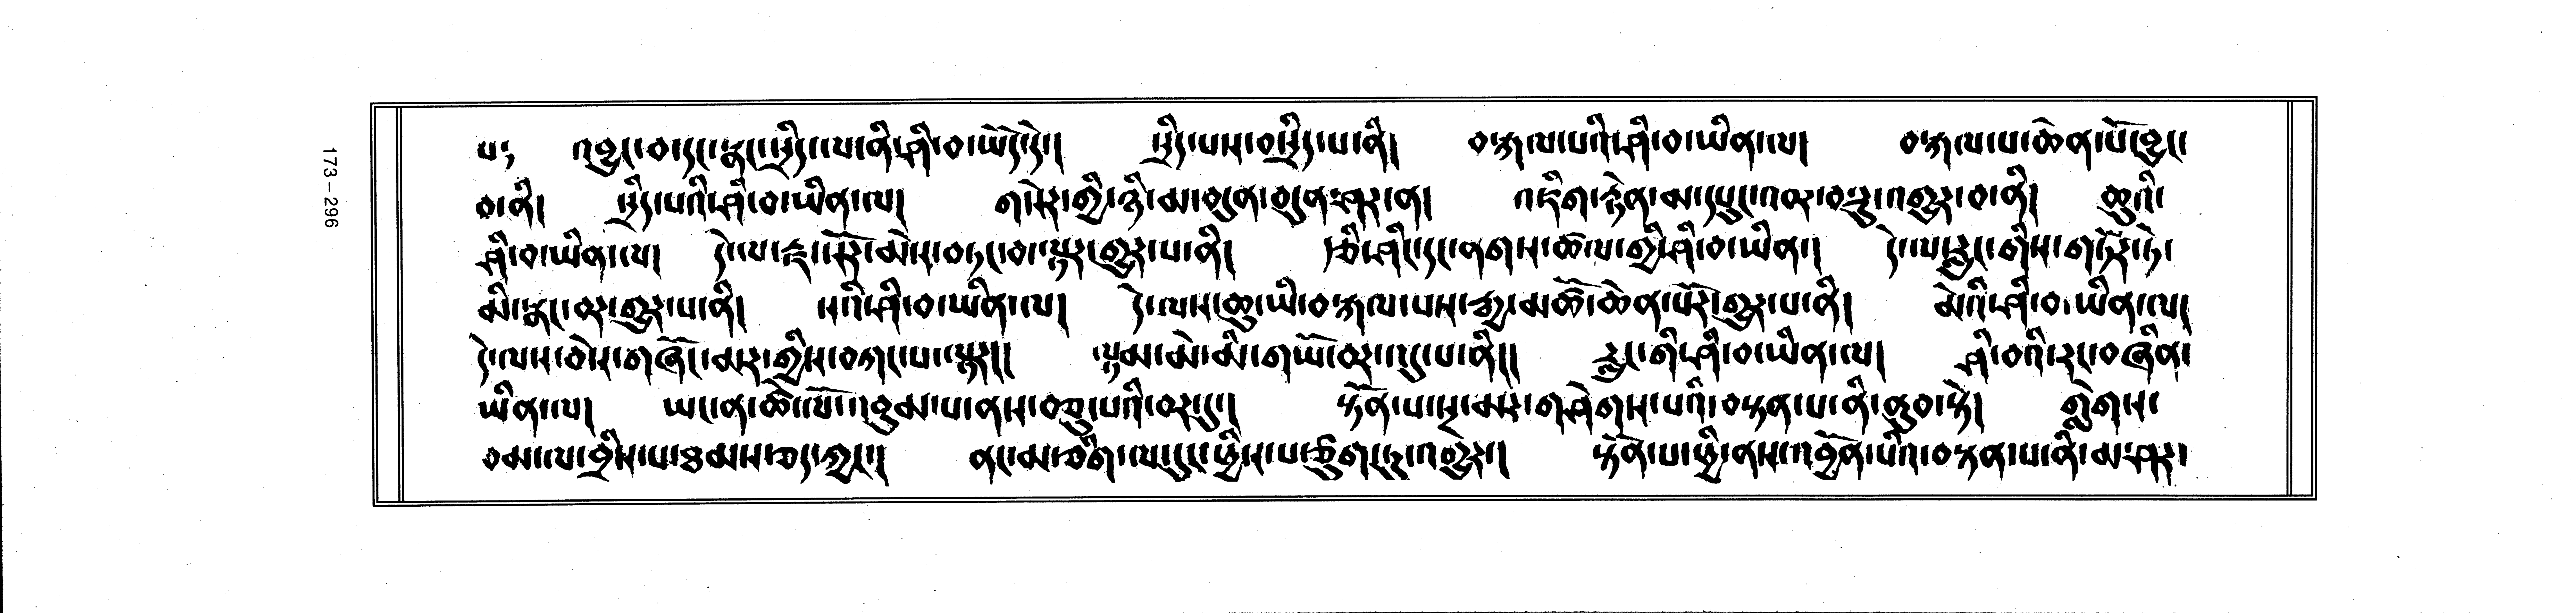པ་འབྱུང་བ་དང་སྣང་སྲིད་ལ་ནི་ཤི་བ་ཡོད་དེ། སྲིད་པས་བསྲིད་པ་ནི། བསྐལ་པའི་ཤི་བ་ཡིན་ལ། བསྐལ་པ་ཆེན་པོ་བྱུང་
བ་ནི། སྲིད་པའི་ཤི་བ་ཡིན་ལ། གསེར་གྱི་ཉི་མ་བདུན་བདུན་ཤར་ན། འཇིག་རྟེན་མེ་དཔུང་འབར་བ་རུ་འགྱུར་བ་ནི། ཆུ་ཡི་
ཤི་བ་ཡིན་ལ། དེ་ལ་རྫ་སོལ་མེས་བཏང་བ་ལྟར་གྱུར་པ་ནི། རྩི་ཤིང་དང་ནགས་ཚལ་གྱི་ཤི་བ་ཡིན། དེ་ལ་རླུང་གིས་གཏོར་ཏེ་
མི་སྣང་བར་གྱུར་པ་ནི། སའི་ཤི་བ་ཡིན་ལ། དེ་ལས་ཆུ་ཡི་བསྐལ་པས་རྒྱ་མཚོ་ཆེན་པོར་གྱུར་པ་ནི། མེ་ཡི་ཤི་བ་ཡིན་ལ།
དེ་ལས་བསེ་གཞོང་མར་གྱིས་བཀང་བ་ལྟར། ལྟམ་མེ་མི་གཡོ་བར་འདུ་བ་ནི། རླུང་གི་ཤི་བ་ཡིན་ལ། ཤི་བའི་རང་བཞིན་
ཡིན་ལ། ཡང་ན་ཚེ་ལོ་འབུམ་པ་ནས་བཅུ་པའི་བར་དུ། སྟོན་པ་སྔ་མ་གཤེགས་པའི་བསྟན་པ་ནི་ནུབ་སྟེ། གླེགས་
བམ་ལ་བྲིས་པ་ཐམས་ཅད་ཀྱང་། ནང་མ་ཅིག་ལ་དུང་ཕྱིས་པ་ཙུག་ཏུ་འགྱུར། སྟོན་པ་ཕྱི་ནས་འབྱོན་པའི་བསྟན་པ་ནི་མ་ཤར་